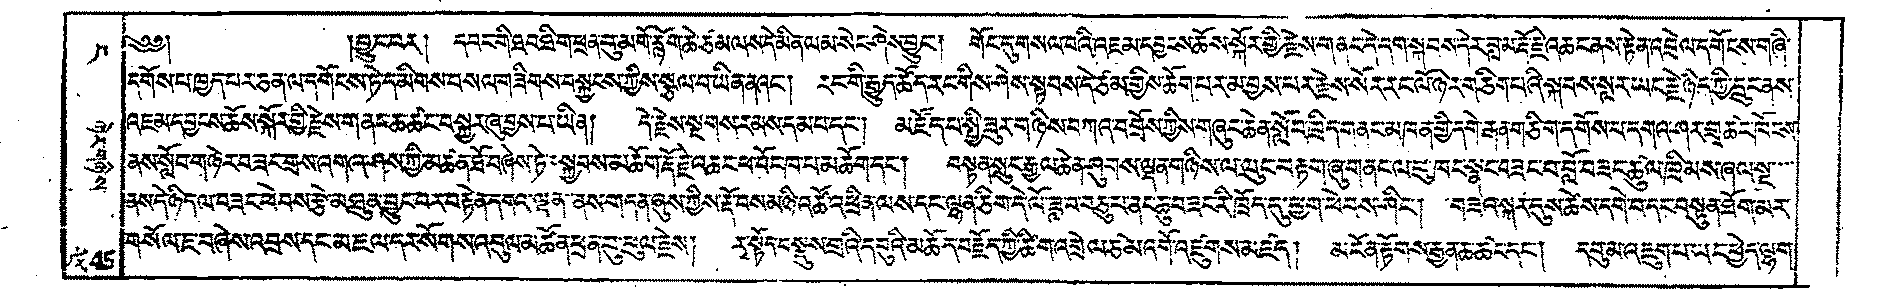༄༅། །བྱུང་བར། དབང་གི་ཐབ་ཐིག་ཕྲན་བུ་མགོ་རྙོག་ཆེ་ཙམ་ལས་དེ་མིན་ལམ་སེང་ཤེས་བྱུང་། གོང་དུ་གསལ་བའི་འཇམ་དབྱངས་ཆོས་སྐོར་གྱི་རྗེས་གནང་དེ་དག་སྐབས་དེར་བླ་མ་རྡོ་རྗེ་འཆང་ནས་རྟེན་འབྲེལ་དགོངས་གཞི་
དགོས་པ་ཁྱད་པར་ཅན་ལ་དགོངས་ཏེ་དམིགས་བསལ་གཟིགས་བསྐྱངས་ཀྱིས་སྩལ་བ་ཡིན་ནའང་། རང་གི་རྒྱུད་ཚོད་རང་གིས་ཤེས་སྟབས་དེ་ཙམ་གྱིས་ཆོག་པར་མ་བྱས་པར་རྗེས་སོར་རང་ལོ་ཉེར་གཅིག་པའི་སྐབས་སླར་ཡང་རྗེ་ཉིད་ཀྱི་དྲུང་ནས་
འཇམ་དབྱངས་ཆོས་སྐོར་གྱི་རྗེས་གནང་ཆ་ཚང་བསྐྱར་ཞུ་བྱས་པ་ཡིན། དེ་རྗེས་སྔགས་རམས་དམ་པ་དང་། མཛོད་པ་སྤྱི་ཟུར་གཉིས་བཀའ་བགྲོས་ཀྱིས་གཞུང་ཆེན་སློབ་ཁྲིད་གནང་མཁན་གྱི་དགེ་རྒན་གཅིག་དགོས་པ་དགའ་ཤར་གྲྭ་ཚང་ཁོངས་
ནས་སློབ་གཉེར་བཟང་གྲས་འགའ་ཤས་ཀྱི་མཚན་ཐོ་བཞེས་ཏེ ༧སྐྱབས་མཆོག་རྡོ་རྗེ་འཆང་ཕ་བོང་ཁ་པ་མཆོག་དང་། བསྟན་སྲུང་རྒྱལ་ཆེན་ཤུགས་ལྡན་གཉིས་ལ་ལུང་བརྟག་ཞུ་གནང་ལ་ཕུ་ཁང་སྣང་བཟང་བ་བློ་བཟང་ཚུལ་ཁྲིམས་ཞལ་སྔ་
ནས་དེ་ཉིད་ལ་བཟང་ཕེབས་རྩེ་མཐུན་བྱུང་བར་བརྟེན་དགའ་ལྡན་ནས་གདན་ཞུས་ཀྱིས་རྡོ་བསམ་ཉི་འཚོ་འཕྲིན་ལས་དང་ལྷན་ཅིག་དེ་ལོ་ཟླ་བ་བཅུ་པ་ནང་ཆུ་བཟང་རི་ཁྲོད་དུ་ཕྱག་ཕེབས་ཤིང་། གཟའ་སྐར་དུས་ཚེས་དགེ་བ་དང་བསྟུན་ཐོག་མར་
གསོལ་ཇ་བཞེས་འབྲས་དང་མཇལ་དར་སོགས་འབུལ་མཚོན་ཕྲན་བུ་ཕུལ་རྗེས། རྭ་སྟོད་བསྡུས་གྲའི་དབུའི་མཆོད་བརྗོད་ཀྱི་ཚིག་འགྲེལ་ཙམ་འགོ་འཛུགས་མཛད། མངོན་རྟོགས་རྒྱན་ཆ་ཚང་དང་། དབུ་མ་འཇུག་པ་ཡང་ཕྱེད་ལྷག་